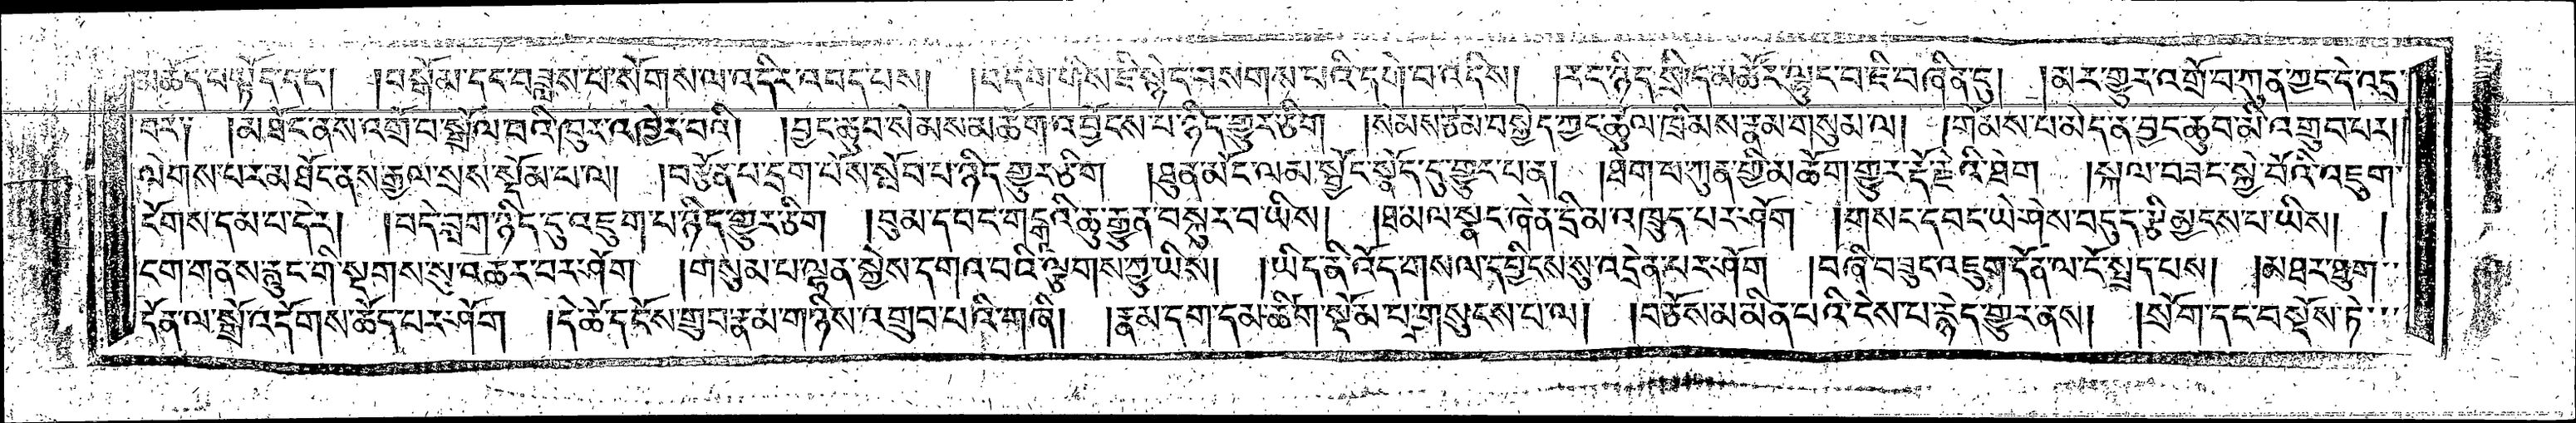མཆོད་བསྟོད་དང་། །བསྒོམ་དང་བཟླས་པ་སོགས་ལ་འདིར་འབད་པས། །བདག་གིས་ཇི་སྙེད་བསགས་པའི་དགེ་བ་འདིས། །རང་ཉིད་སྲིད་མཚོར་ལྷུང་བ་ཇི་བཞིན་དུ། །མར་གྱུར་འགྲོ་བ་ཀུན་ཀྱང་དེ་འདྲ་
བར༑ །མཐོང་ནས་འགྲོ་བ་སྒྲོལ་བའི་ཁུར་འཁྱེར་བའི། །བྱང་ཆུབ་སེམས་མཆོག་འབྱོངས་པ་ཉིད་གྱུར་ཅིག །སེམས་ཙམ་བསྐྱེད་ཀྱང་ཚུལ་ཁྲིམས་རྣམ་གསུམ་ལ། །གོམས་པ་མེད་ན་བྱང་ཆུབ་མི་འགྲུབ་པར། །
ལེགས་པར་མཐོང་ནས་རྒྱལ་སྲས་སྡོམ་པ་ལ། །བརྩོན་པ་དྲག་པོས་སློབ་པ་ཉིད་གྱུར་ཅིག །ཐུན་མོང་ལམ་སྦྱོང་སྣོད་དུ་གྱུར་པ་ན། །ཐེག་པ་ཀུན་གྱི་མཆོག་གྱུར་རྡོ་རྗེའི་ཐེག །སྐལ་བཟང་སྐྱེ་བོའི་འཇུག་
ངོགས་དམ་པ་དེར། །བདེ་བླག་ཉིད་དུ་འཇུག་པ་ཉིད་གྱུར་ཅིག །བུམ་དབང་གངྒཱའི་ཆུ་རྒྱུན་བསྐུར་བ་ཡིས། །ཐ་མལ་སྣང་ཞེན་དྲི་མ་འཁྲུད་པར་ཤོག །གསང་དབང་ཡེ་ཤེས་བདུད་རྩི་མྱངས་པ་ཡིས། །
ངག་གནས་རླུང་གི་སྔགས་སུ་འཆར་བར་ཤོག །གསུམ་པ་ལྷན་སྐྱེས་དགའ་བའི་ལྕགས་ཀྱུ་ཡིས། །ཡིད་ནི་འོད་གསལ་དབྱིངས་སུ་འདྲེན་པར་ཤོག །བཞི་བ་ཟུང་འཇུག་དོན་ལ་ངོ་སྤྲད་པས། །མཐར་ཐུག་
དོན་ལ་སྒྲོ་འདོགས་ཆོད་པར་ཤོག །དེ་ཚེ་དངོས་གྲུབ་རྣམ་གཉིས་འགྲུབ་པའི་གཞི། །རྣམ་དག་དམ་ཚིག་སྡོམ་པར་གསུངས་པ་ལ། །བཅོས་མ་མིན་པའི་ངེས་པ་རྙེད་གྱུར་ནས། །སྲོག་དང་བསྡོས་ཏེ་